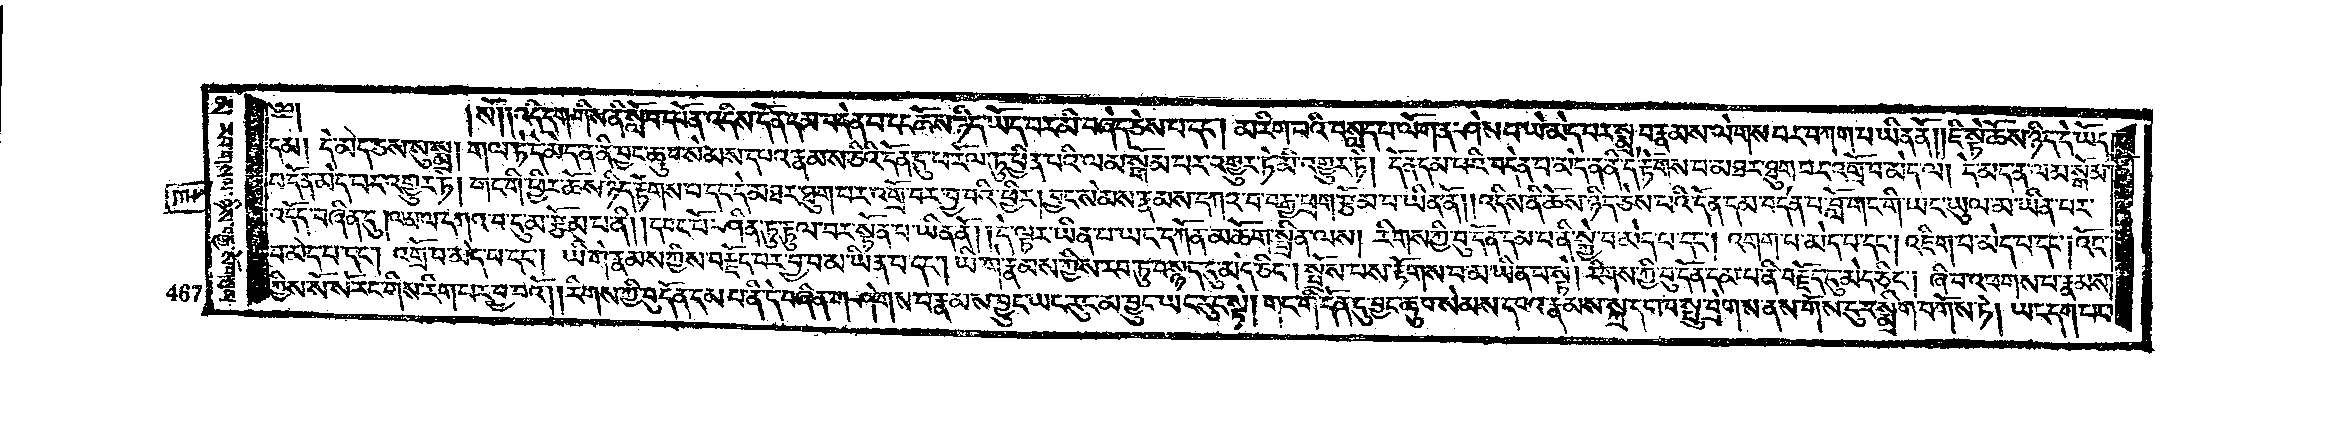༄༅། །སོ། །འདི་དག་གིས་ནི་སློབ་དཔོན་འདིས་དོན་དམ་བདེན་པ་དང་ཆོས་ཉིད་ཡོད་པར་མི་བཞེད་ཅེས་པ་དང་། མ་རིག་པའི་བསླད་པ་ལོག་ན་ཤེས་པ་ཡེ་མེད་པར་སྨྲ་བ་རྣམས་ལེགས་པར་བཀག་པ་ཡིན་ནོ། །ཇི་སྟེ་ཆོས་ཉིད་དེ་ཡོད་
དམ། དེ་མེད་ཅེས་སུ་སྨྲ། གལ་ཏེ་དེ་མེད་ན་ནི་བྱང་ཆུབ་སེམས་དཔའ་རྣམས་ཅིའི་དོན་དུ་ཕ་རོལ་ཏུ་ཕྱིན་པའི་ལམ་སྒོམ་པར་འགྱུར་ཏེ་མི་འགྱུར་ཏེ། དོན་དམ་པའི་བདེན་པ་མེད་ན་ནི་དེ་རྟོགས་པ་མཐར་ཐུག་པར་འགྲོ་བ་མེད་ལ། དེ་མེད་ན་ལམ་སྒོམ་
པ་དོན་མེད་པར་འགྱུར་ཏེ། གང་གི་ཕྱིར་ཆོས་ཉིད་རྟོགས་པ་དང་དེ་མཐར་ཐུག་པར་འགྲོ་བར་བྱ་བའི་ཕྱིར། བྱང་སེམས་རྣམས་དཀའ་བ་བརྒྱ་ཕྲག་རྩོམ་པ་ཡིན་ནོ། །འདིས་ནི་ཆོས་ཉིད་ཅེས་པའི་དོན་དམ་བདེན་པ་བློ་གང་གི་ཡང་ཡུལ་མ་ཡིན་པར་
འདོད་བཞིན་དུ། ལམ་ལ་དཀའ་བ་དུ་མ་རྩོམ་པ་ནི། །དབང་པོ་ཤིན་ཏུ་རྟུལ་བར་སྟོན་པ་ཡིན་ནོ། །དེ་ལྟར་ཡིན་པ་ཡང་དཀོན་མཆོག་སྤྲིན་ལས། རིགས་ཀྱི་བུ་དོན་དམ་པ་ནི་སྐྱེ་བ་མེད་པ་དང་། འགག་པ་མེད་པ་དང་། འཇིག་པ་མེད་པ་དང་། འོང་
བ་མེད་པ་དང་། འགྲོ་བ་མེད་པ་དང་། ཡི་གེ་རྣམས་ཀྱིས་བརྗོད་པར་བྱ་བ་མ་ཡིན་པ་དང་། ཡི་གེ་རྣམས་ཀྱིས་རབ་ཏུ་བསྙད་དུ་མེད་ཅིང་། སྤྲོས་པས་རྟོགས་པ་མ་ཡིན་པ་སྟེ། རིགས་ཀྱི་བུ་དོན་དམ་པ་ནི་བརྗོད་དུ་མེད་ཅིང་། ཞི་བ་འཕགས་པ་རྣམས་
ཀྱིས་སོ་སོ་རང་གིས་རིག་པར་བྱ་བའོ། །རིགས་ཀྱི་བུ་དོན་དམ་པ་ནི་དེ་བཞིན་གཤེགས་པ་རྣམས་བྱུང་ཡང་རུང་མ་བྱུང་ཡང་རུང་སྟེ། གང་གི་དོན་དུ་བྱང་ཆུབ་སེམས་དཔའ་རྣམས་སྐྲ་དང་ཁ་སྤུ་བྲེགས་ནས་གོས་ངུར་སྨྲིག་བགོས་ཏེ། ཡང་དག་པར་